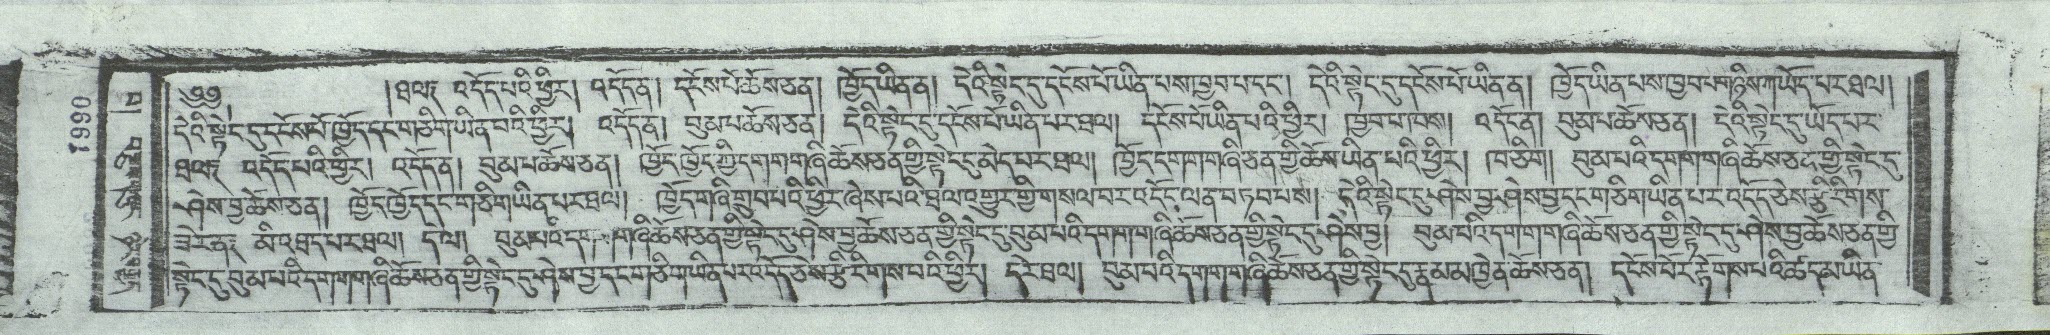༄༅། །ཐལ༑ འདོད་པའི་ཕྱིར། འདོད་ན། དངོས་པོ་ཆོས་ཅན། ཁྱོད་ཡིན་ན། དེའི་སྟེང་དུ་དངོས་པོ་ཡིན་པས་ཁྱབ་པ་དང་། དེའི་སྟེང་དུ་དངོས་པོ་ཡིན་ན། ཁྱོད་ཡིན་པས་ཁྱབ་པ་གཉིས་ཀ་ཡོད་པར་ཐལ།
དེའི་སྟེང་དུ་དངོས་པོ་ཁྱོད་དང་གཅིག་ཡིན་པའི་ཕྱིར། འདོད་ན། བུམ་པ་ཆོས་ཅན། དེའི་སྟེང་དུ་དངོས་པོ་ཡིན་པར་ཐལ། དངོས་པོ་ཡིན་པའི་ཕྱིར། ཁྱབ་པ་ཁས། འདོད་ན། བུམ་པ་ཆོས་ཅན། དེའི་སྟེང་དུ་ཡོད་པར་
ཐལ༑ འདོད་པའི་ཕྱིར། འདོད་ན། བུམ་པ་ཆོས་ཅན། ཁྱོད་ཁྱོད་ཀྱི་དགག་གཞི་ཆོས་ཅན་གྱི་སྟེང་དུ་མེད་པར་ཐལ། ཁྱོད་དགག་གཞི་ཅན་གྱི་ཆོས་ཡིན་པའི་ཕྱིར། ཁ་ཅིག། བུམ་པའི་དགག་གཞི་ཆོས་ཅན་གྱི་སྟེང་དུ་
ཤེས་བྱ་ཆོས་ཅན། ཁྱོད་ཁྱོད་དང་གཅིག་ཡིན་པར་ཐལ། ཁྱོད་གཞི་གྲུབ་པའི་ཕྱིར་ཞེས་པའི་ཐལ་འགྱུར་གྱི་གསལ་བར་འདོད་ལན་བཏབ་པས། དེའི་སྟེང་དུ་ཤེས་བྱ་ཤེས་?་?་?་?
ཟེར་ན༑ མི་འཐད་པར་ཐལ། དེ་ལ། བུམ་པའི་དགག་གཞི་ཆོས་ཅན་གྱི་སྟེང་དུ་ཤེས་བྱ་ཆོས་ཅན་གྱི་སྟེང་དུ་བུམ་པའི་དགག་གཞི་ཆོས་ཅན་གྱི་སྟེང་དུ་ཤེས་བྱ། བུམ་པའི་དགག་གཞི་ཆོས་ཅན་གྱི་སྟེང་དུ་ཤེས་བྱ་ཆོས་ཅན་གྱི་
སྟེང་དུ་བུམ་པའི་དགག་གཞི་ཆོས་ཅན་གྱི་སྟེང་དུ་ཤེས་བྱ་དང་གཅིག་ཡིན་པར་འདོད་ཅེས་རྩི་རིགས་པའི་ཕྱིར། དེར་ཐལ། བུམ་པའི་དགག་གཞི་ཆོས་ཅན་གྱི་སྟེང་དུ་རྣམ་མཁྱེན་ཆོས་ཅན། དངོས་པོར་རྟོགས་པའི་ཚད་མ་ཡིན་